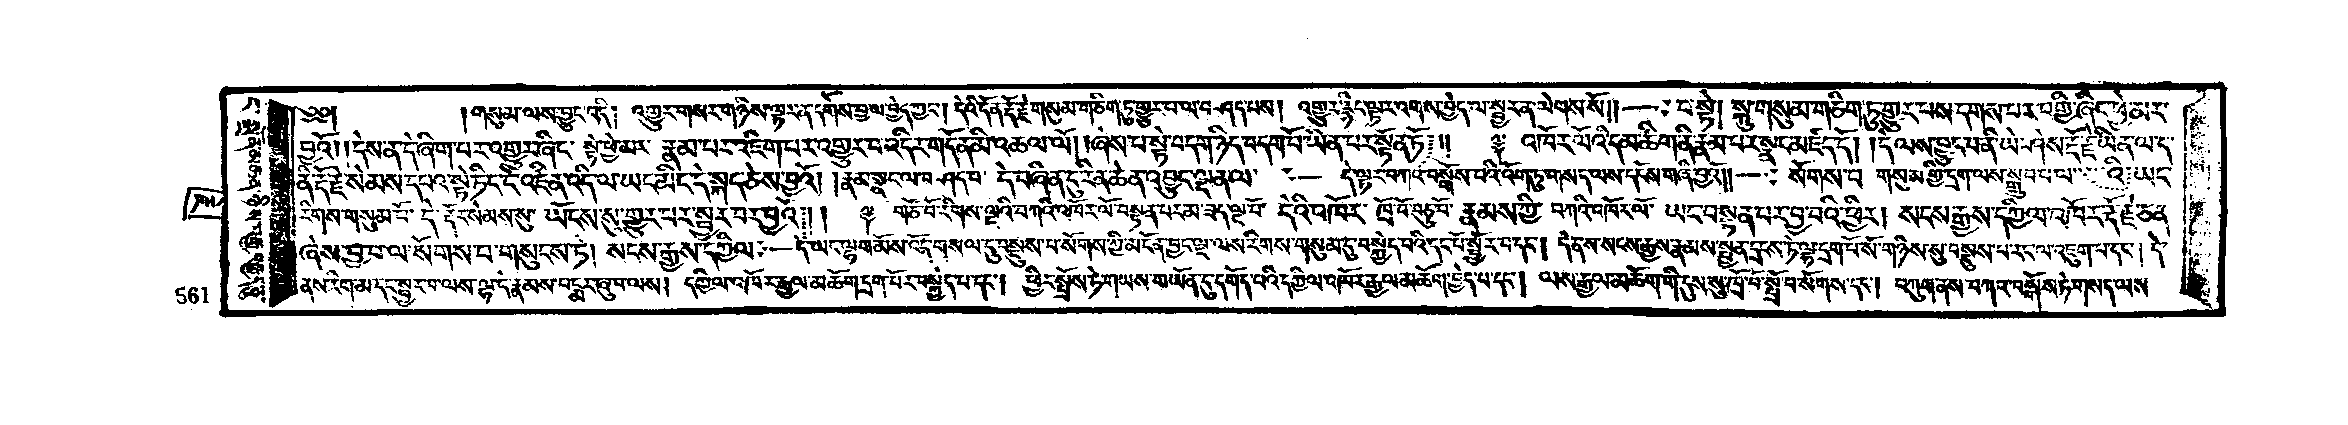༄༅། །གསུམ་ལས་བྱུང་འདི། འགྱུར་གསར་གཉིས་ལྟ་ན་དགོས་བྱ་ལ་བྱེད་ཀྱང་། དེའི་དོན་རྡོ་རྗེ་གསུམ་གཅིག་ཏུ་གྱུར་པ་ལ་བཤད་པས། འགྱུར་རྙིང་ལྟར་འགོས་བྱེད་ལ་སྦྱར་ན་ལེགས་སོ།། .Hཔ་སྟེ། སྐུ་གསུམ་གཅིག་ཏུ་གྱུར་པས་དགོས་པར་བགྱི་ཞིང་ཕྱེ་མར་
བྱའོ། །དེས་ན་དེ་ཞིག་པར་འགྱུར་ཞིང་སྟེ་ཕྱེ་མར་རྣམ་པར་འཇིག་པར་འགྱུར་བ་འདིར་གདོན་མི་འཚལ་ལོ། །ཞེས་པ་སྟེ་བདག་ཉིད་བདག་པོ་ཡིན་པར་སྟོན་ཏོ།། ༈ འཁོར་ལོའི་དམ་ཚིག་ནི་རྣམ་པར་སྣང་མཛད་དོ། །དེ་ལས་བྱུང་བ་ནི་ཡེ་ཤེས་རྡོ་རྗེ་ཡིན་ལ་དེ་
ནི་རྡོ་རྗེ་སེམས་དཔའ་སྟེ་ཏིང་ངེ་འཛིན་འདི་ལ་ཡང་མིང་དེ་སྐད་ཅེས་བྱའོ། །རྣམ་སྣང་ལ་བཤད་པ་དེ་བཞིན་དུ་རིན་ཆེན་འབྱུང་ལྡན་ལཿ་དེ་ལྟར་བཀའ་བསྒོས་པའི་འོག་ཏུ་གསད་ལས་དངོས་གཞི་བྱའོ།།  .Hསོགས་པ་གསུམ་གྱི་དྲག་ལས་སྒྲུབ་པ་ལ་འི་ཡང་
རིགས་གསུམ་པོ་དེ་རྡོར་སེམས་སུ་ཡོངས་སུ་གྱུར་པར་སྦྱར་བར་བྱའོ།། ༈ གཙོ་བོ་རིགས་ལྔའི་བཀའི་འཁོར་ལོ་བསྟན་པར་མ་ཟད་ལྔ་པོ་དེའི་འཁོར་ཁྲོ་བོ་བཅུ་པོ་རྣམས་ཀྱི་བཀའི་འཁོར་ལོ་ཡང་བསྟན་པར་བྱ་བའི་ཕྱིར། སངས་རྒྱས་དཀྱིལ་རྡོ་རྗེ་ཅན་
ཞེས་བྱ་བ་ལ་སོགས་པ་གསུངས་ཏེ། སངས་རྒྱས་དཀྱིལཿ་དེ་ཡང་ལྷག་མོས་འོད་གསལ་དུ་བསྡུས་པ་སོགས་ཀྱི་མངོན་བྱང་ལྔ་ལས་རིགས་གསུམ་དུ་བསྐྱེད་པའི་དང་པོ་སྦྱོར་བ་དང་། དེ་ནས་སངས་རྒྱས་རྣམས་སྤྱན་དྲངས་ཏེ་ལྷ་དྲག་པོ་སོ་གཉིས་སུ་བསྡུས་པ་རང་ལ་འཇུག་པ་དང་། དེ་
ནས་རིག་མ་དང་སྦྱར་བ་ལས་ལྷ་དེ་རྣམས་པདམར་ཞུ་བ་ལས། དཀྱིལ་འཁོར་རྒྱལ་མཆོག་དྲག་པོར་བསྐྱེད་པ་དང་། ཕྱིར་སྤྲོས་ཏེ་གཡས་གཡོན་དུ་དགོད་པའི་དཀྱིལ་འཁོར་རྒྱལ་མཆོག་བྱེད་པ་དང་། ལས་རྒྱལ་མཆོག་གི་དུས་སུ་ཁྲོ་བོ་སྤྲོ་བ་སོགས་དང་། བཀུག་ནས་བཀའ་བསྒོས་ཏེ་གསད་ལས་